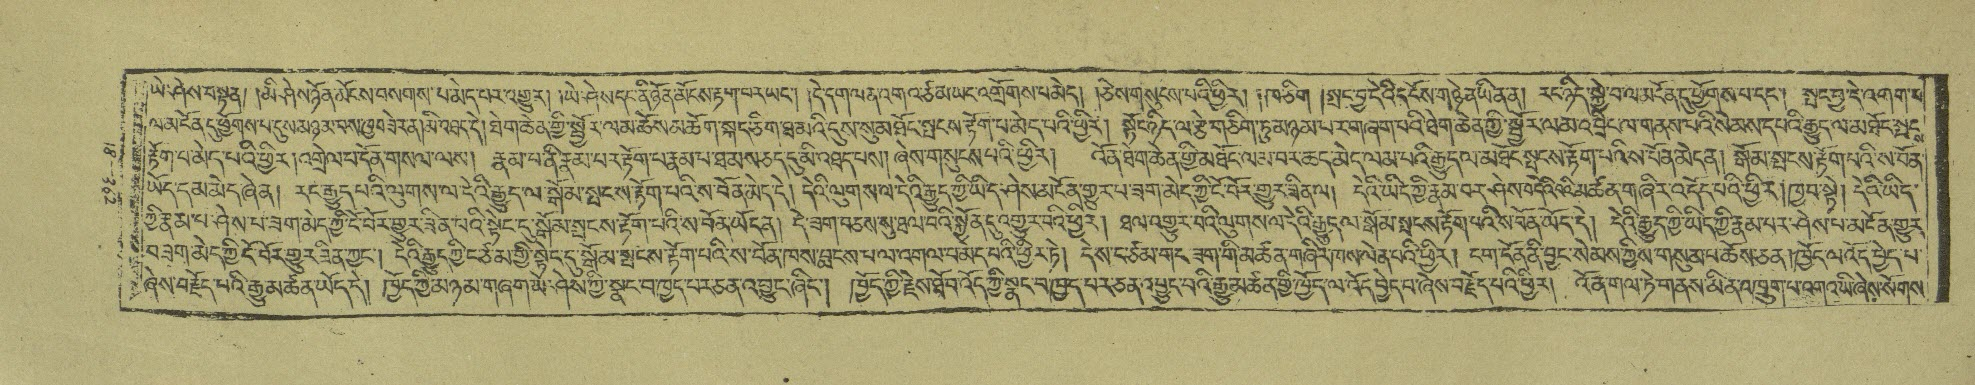ཡེ་ཤེས་བསྟན། །མི་ཤེས་ཉོན་མོངས་བསགས་པ་མེད་པར་འགྱུར། །ཡེ་ཤེས་དང་ནི་ཉོན་མོངས་རྟག་པར་ཡང་། །དེ་དག་ལ་རྣ་འགའ་ཙམ་ཡང་འགྲོགས་པ་མེད། །ཅེས་གསུངས་པའི་ཕྱིར། །ཁ་ཅིག །སྤང་བྱ་དེའི་དངོས་གཉེན་ཡིན་ན། རང་ཉིད་སྐྱེ་བ་ལ་མངོན་དུ་ཕྱོགས་པ་དང་། སྤང་བྱ་དེ་འགག་པ་
ལ་མངོན་དུ་ཕྱོགས་པ་དུས་མཉམ་པས་ཁྱབ་ཟེར་ན་མི་འཐད་དེ། ཐེག་ཆེན་གྱི་སྦྱོར་ལམ་ཆོས་མཆོག་སྐད་ཅིག་ཐ་མའི་དུས་སུ་མཐོང་སྤངས་རྟོག་པ་མེད་པའི་ཕྱིར། སྟོང་ཉིད་ལ་རྩེ་གཅིག་ཏུ་མཉམ་པར་གཞག་པའི་ཐེག་ཆེན་གྱི་སྦྱོར་ལམ་འབྲིང་ལ་གནས་པའི་སེམས་དཔའི་རྒྱུད་ལ་མཐོང་སྤངས་
རྟོག་པ་མེད་པའི་ཕྱིར། འགྲེལ་བ་དོན་གསལ་ལས། རྣམ་པ་ནི་རྣམ་པར་རྟོག་པ་རྣམ་པ་ཐམས་ཅད་དུ་མི་འཐད་པས། ཞེས་གསུངས་པའི་ཕྱིར། འོ་ན་ཐེག་ཆེན་གྱི་མཐོང་ལམ་བར་ཆད་མེད་ལམ་པའི་རྒྱུད་ལ་མཐོང་སྤངས་རྟོག་པའི་ས་བོན་མེད་ན། སྒོམ་སྤངས་རྟོག་པའི་ས་བོན་
ཡོད་དམ་མེད་ཞེ་ན། རང་རྒྱུད་པའི་ལུགས་ལ་དེའི་རྒྱུད་ལ་སྒོམ་སྤངས་རྟོག་པའི་ས་བོན་མེད་དེ། དེའི་ལུགས་ལ་དེའི་རྒྱུད་ཀྱི་ཡིད་ཤེས་མངོན་གྱུར་པ་ཟག་མེད་ཀྱི་ངོ་བོར་གྱུར་ཟིན་ལ། དེའི་ཡིད་ཀྱི་རྣམ་པར་ཤེས་པ་དེའི་ངའི་མཚན་གཞིར་འདོད་པའི་ཕྱིར། ཁྱབ་སྟེ། དེའི་ཡིད་
ཀྱི་རྣམ་པ་ཤེས་པ་ཟག་མེད་ཀྱི་ངོ་བོར་གྱུར་ཟིན་པའི་སྟེང་དུ་སྒོམ་སྤངས་རྟོག་པའི་ས་བོན་ཡོད་ན། དེ་ཟག་བཅས་སུ་ཐལ་བའི་སྐྱོན་དུ་འགྱུར་པའི་ཕྱིར། ཐལ་འགྱུར་བའི་ལུགས་ལ་དེའི་རྒྱུད་ལ་སྒོམ་སྤངས་རྟོག་པའི་ས་བོན་ཡོད་དེ། དེའི་རྒྱུད་ཀྱི་ཡིད་ཀྱི་རྣམ་པར་ཤེས་པ་མངོན་གྱུར་
བ་ཟག་མེད་ཀྱི་ངོ་བོར་གྱུར་ཟིན་ཀྱང་། དེའི་རྒྱུད་ཀྱི་ང་ཙམ་གྱི་སྟེང་དུ་སྒོམ་སྤངས་རྟོག་པའི་ས་བོན་ཁས་བླངས་པ་ལ་འགལ་བ་མེད་པའི་ཕྱིར་ཏེ། དེས་ང་ཙམ་གང་ཟག་གི་མཚན་གཞིར་ཁས་ལེན་པའི་ཕྱིར། ངག་དོན་ནི་བྱང་སེམས་ཀྱི་གསུམ་པ་ཆོས་ཅན། ཁྱོད་ལ་འོད་བྱེད་པ་
ཞེས་བརྗོད་པའི་རྒྱུ་མཚན་ཡོད་དེ། ཁྱོད་ཀྱི་མཉམ་གཞག་ཡེ་ཤེས་ཀྱི་སྣང་བ་ཁྱད་པར་ཅན་འབྱུང་ཞིང་། ཁྱོད་ཀྱི་རྗེས་ཐོབ་འོད་ཀྱི་སྣང་བ་ཁྱད་པར་ཅན་འབྱུང་བའི་རྒྱུ་མཚན་གྱི་ཁྱོད་ལ་འོད་བྱེད་པ་ཞེས་བརྗོད་པའི་ཕྱིར། འོ་ན་གལ་ཏེ་གནས་མིན་འཁྲུག་པ་འགའ་ཡི་ཞེས་སོགས་